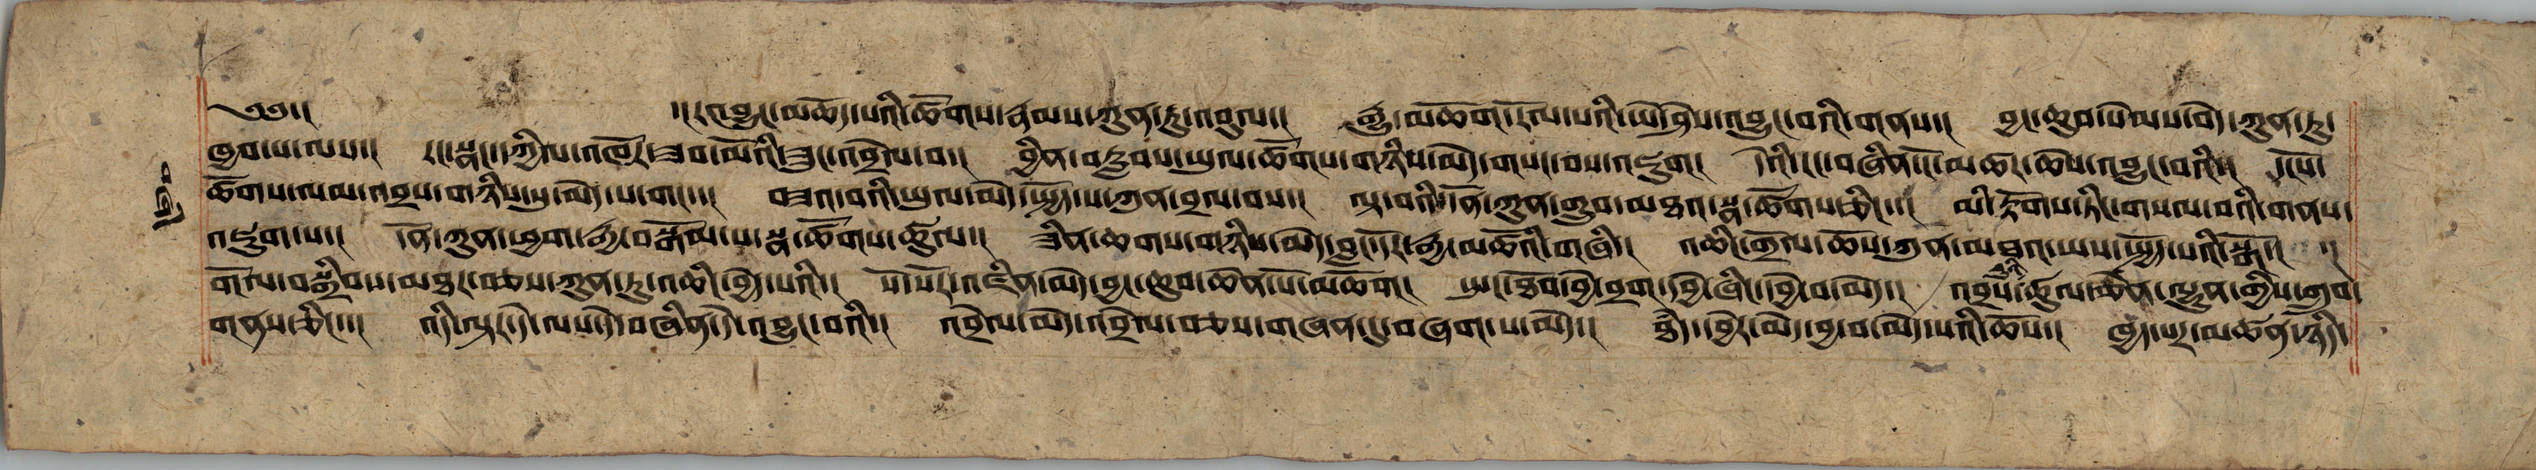༄༅་། ་།རང་འབྱུང་མཆོད་པའི་ཚོགས་རྣམས་ཀུན་ཏུ་འབུལ་། རྒྱུ་མཆོག་རོལ་པའི་ཡེ་ཤེས་འབྱུང་བའི་གནས་། བྱང་ཆུབ་སེམས་བདེ་ཀུན་ཏུ་
ཁྱབ་པ་ལས་། རང་སྣང་དཀྱིལ་འཁོར་ཟབ་མོའི་ཟུང་འབྲེལ་བ་། བྱིན་བརླབས་ཡུལ་ཚོགས་གཉིས་མེད་གསང་བས་འཇུག། དེའི་རང་བཞིན་ངོ་མཚར་ཆེས་འབྱུང་བའི་། དངོས་
ཚོགས་ལམ་འབྲས་གཉིས་སུ་མེད་པ་གང་་། བཟའ་བའི་ཡུལ་མེད་སྤྱོད་པ་ཀུན་བྲལ་བས་། ལྟ་བའི་དོན་ཀུན་གྲུབ་མཐའ་སྣ་ཚོགས་ཅིང་་། མི་རྟོགས་ཏིང་གསལ་བའི་གནས་
འཇུག་པ་། དོན་ཀུན་ཕྱག་རྒྱ་བསྒོམ་པ་སྣ་ཚོགས་ཚུལ་། ཟིན་ཆགས་གཉིས་མེད་བླང་དོར་རྒྱ་མཚོའི་གཞི་། འཆིང་གྲོལ་ཆོས་ཀུན་མཐའ་ཡས་སྤྱོད་པའི་སྒོ་།
གོལ་བསྒྲིབས་མཐར་བཅས་ཀུན་ཏུ་འཆིང་བྱེད་པའི་། སོ་སོར་འཛིན་མེད་བྱང་ཆུབ་ཆེན་པོ་མཆོག། སྤང་ཐོབ་བྱེ་བྲག་དབྱེ་ཞིང་དབྱེ་བ་མེད་། འབྲས་ཚུལ་ཆེན་ལྷུན་གྱིས་གྲུབ་
གནས་ཅིང་་། འདི་ལྟར་དེ་ལས་དེ་བཞིན་དེ་འབྱུང་བའི་། འབྲེལ་མེད་འབྲེལ་བཅས་གཞན་དུ་བཞག་པ་མེད་། ཐཾད་དབྱེར་མེད་བྱ་བ་མེད་པའི་ཆོས་། ཁྱད་པར་མཚན་ཉིད་